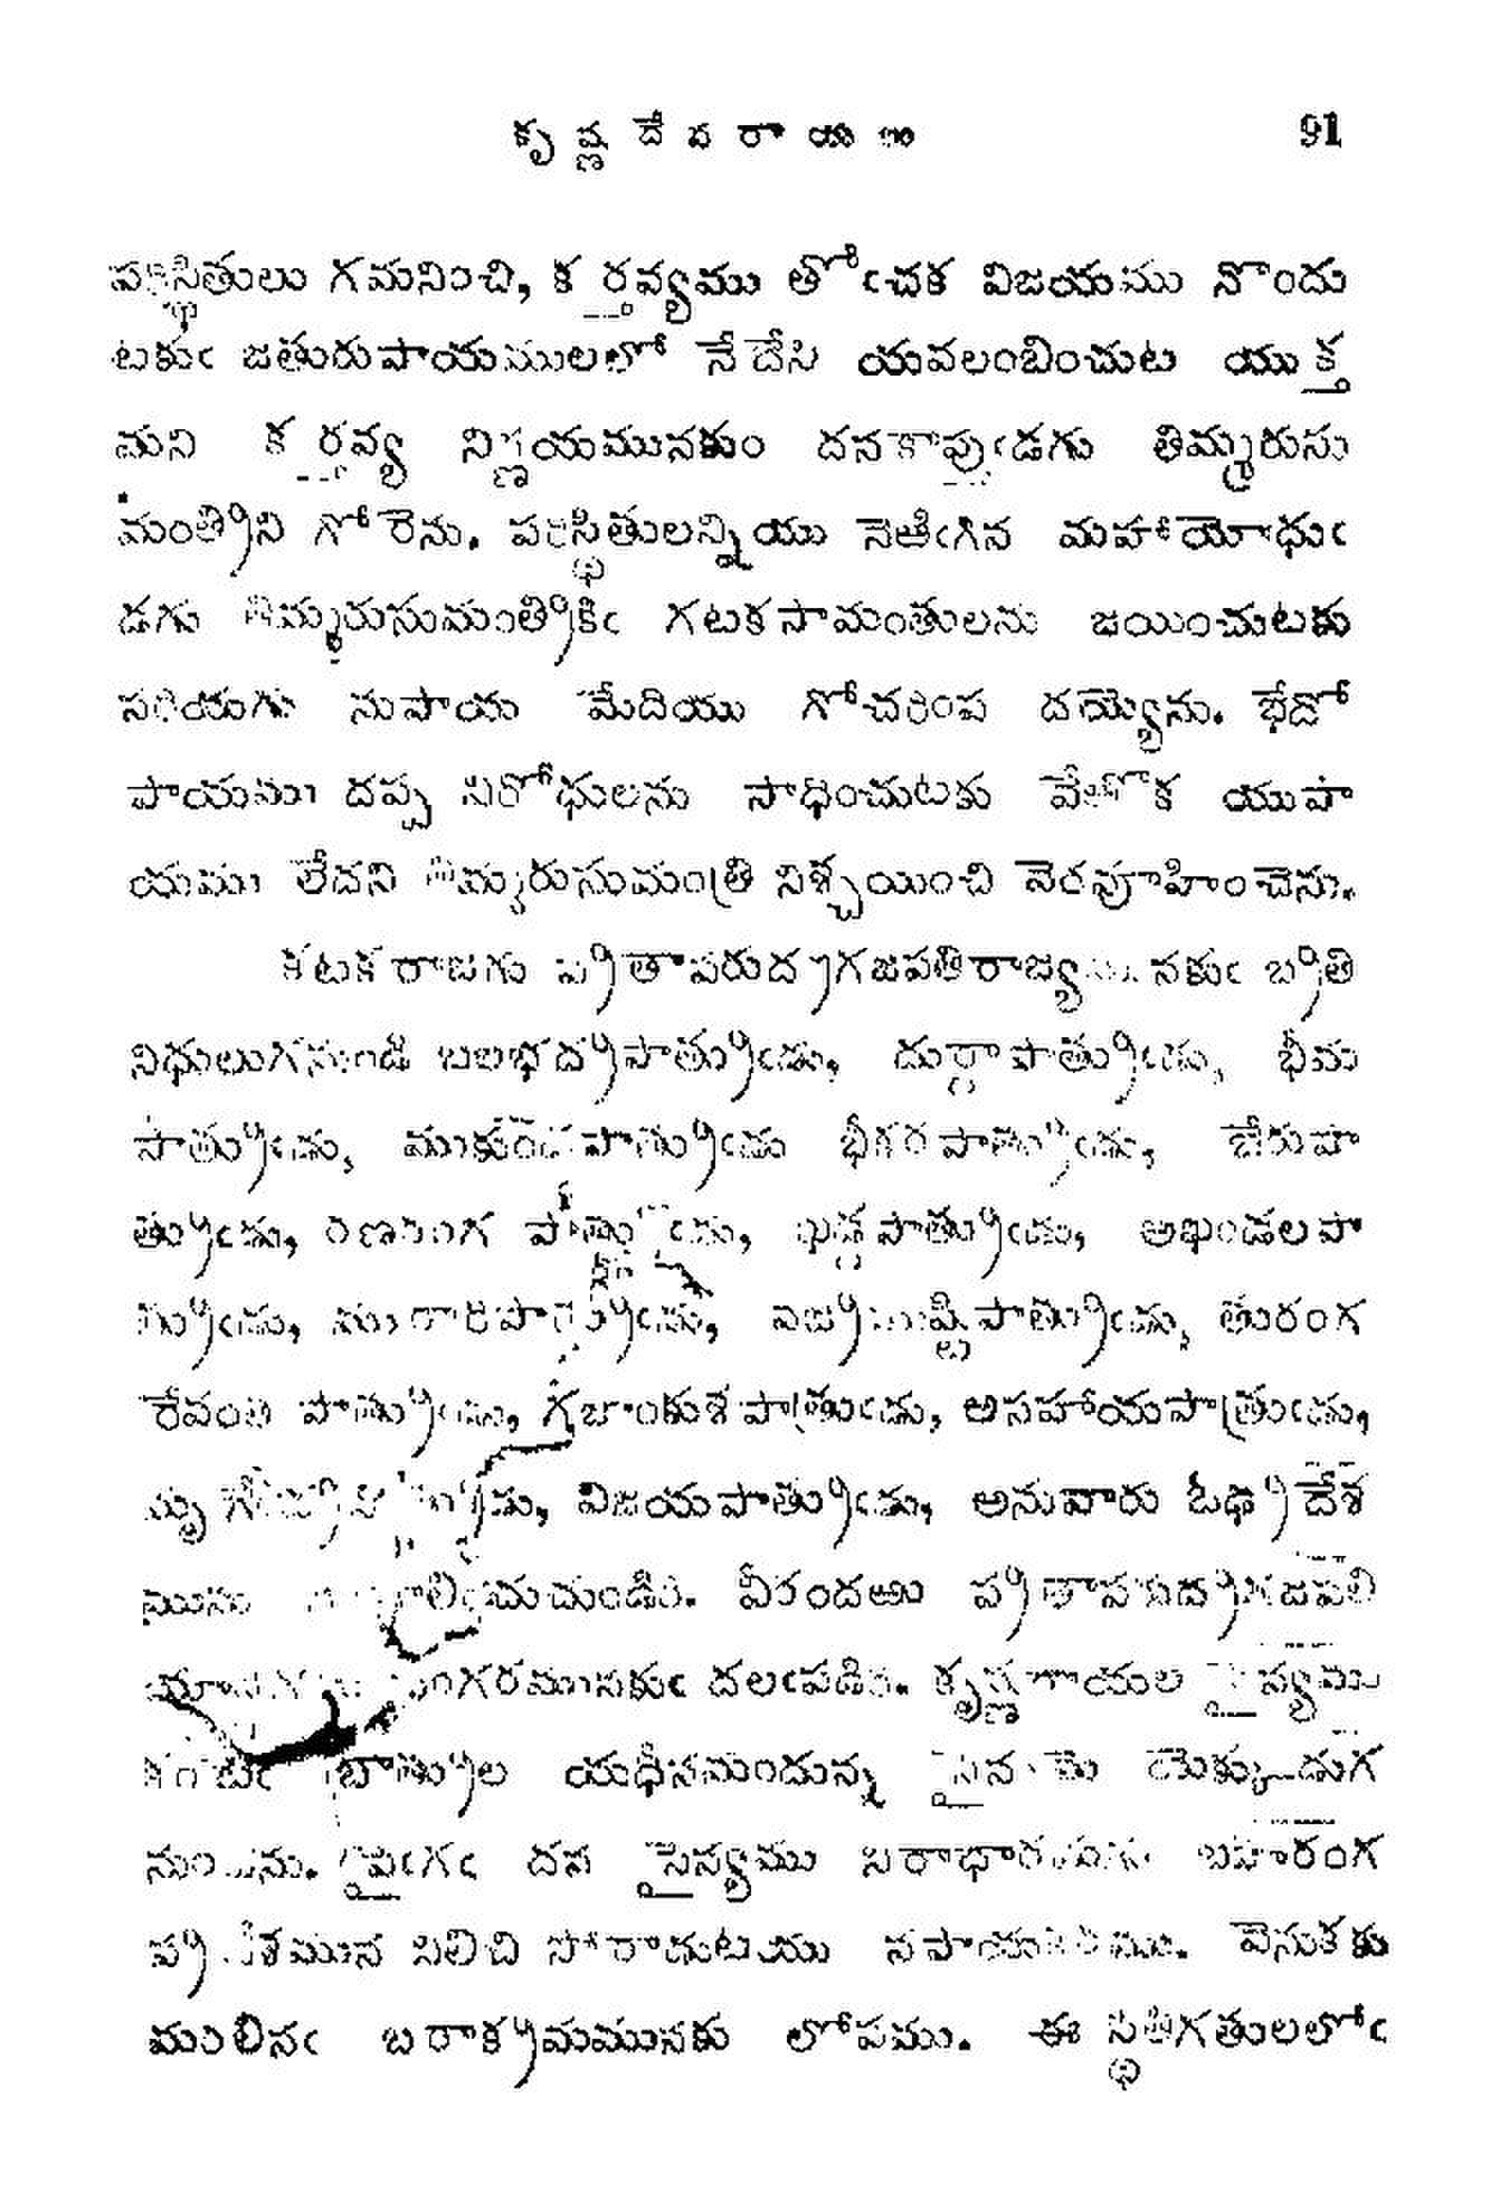పరిస్థితులు గమనించి, కర్తవ్యము తోచక విజయము నొందుటకు జతురుపాయములలో నేదేని యవలంబించుట యుక్తమని కర్తవ్య నిర్ణయమునకుం దనకాప్తుడగు తిమ్మరుసు మంత్రిని గోరెను. పరిస్థితులన్నియు నెఱిగిన మహాయోధుడగు తిమ్మరుసుమంత్రికి గటకసామంతులను జయించుటకు సరియగు నుపాయ మేదియు గోచరింప దయ్యెను. భేదోపాయము దప్ప విరోధులను సాధించుటకు వేఱొక యుపాయము లేదని తిమ్మరుసుమంత్రి నిశ్చయించి వెరవూహించెను.

కటకరాజగు ప్రతాపరుద్రగజపతిరాజ్యమునకు బ్రతి నిధులుగనుండి బలభద్రపాత్రుడు, దుర్గాపాత్రుడు, భీమపాత్రుడు, ముకుందపాత్రుడు, భీకరపాత్రుడు, బేరుపాత్రుడు, రణరంగపాత్రుడు, ఖడ్గపాత్రుడు, అఖండలపాత్రుడు, మురారిపాత్రుడు, వజ్రముష్టిపాత్రుడు, తురంగ రేవంత పాత్రుదు, గజాంకుశపాత్రుడు, అసహాయపాత్రుడు, మృగేంద్రనోద్యుడు, విజయపాత్రుడు అనువారు ఓడ్రదేశమును పరిపాలించుచుండిరి. వీరందఱు ప్రతాప రుద్రగజపతి -------- సంగరమునకు దలపడిరి. కృష్ణరాయల సైన్యముకంటె బాత్రుల యధీనమందున్న సైన్యమె యెక్కుడుగ నుండెను. పైగ దన సైన్యము నిరాధారమగు బహిరంగ ప్రదేశమున నిలిచి పోరాడుటయు నపాయకరము. వెనుకకు మరలిన బరాక్రమమునకు లోపము. ఈ స్థితిగతులలో